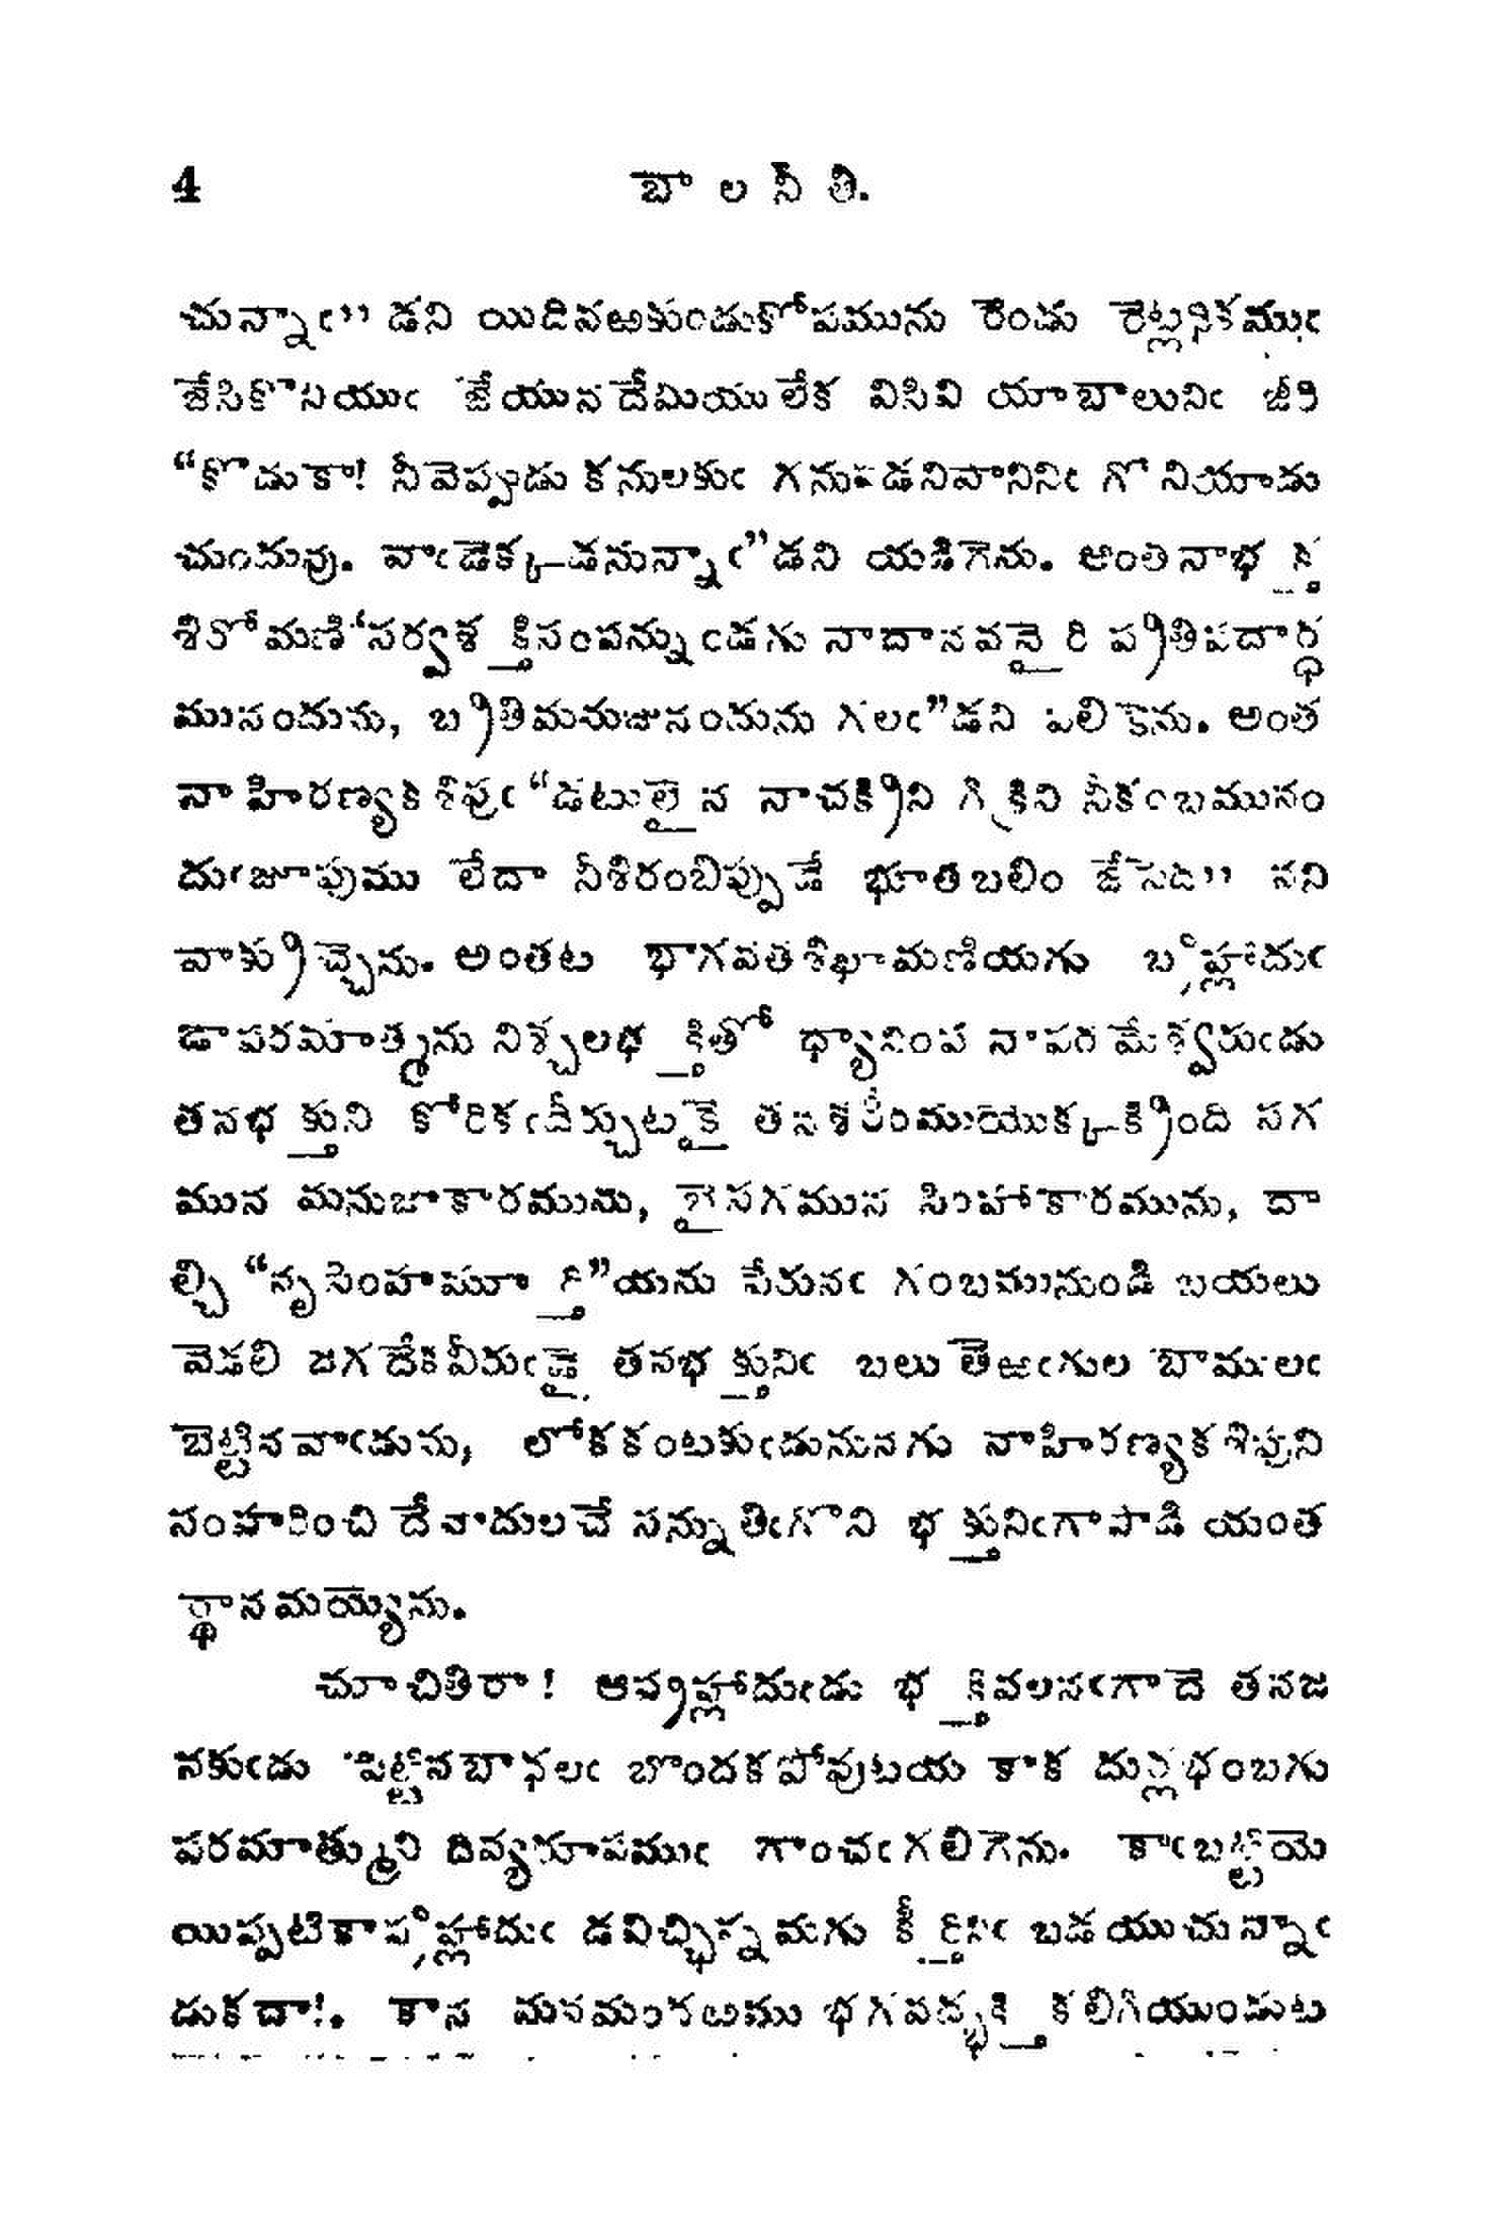చున్నాఁ" డని యిదివఱకుండుకోపమును రెండు రెట్లధికముఁ జేసికొనియుఁ జేయునదేమియులేక విసివి యాబాలునిఁ జీరి "కొడుకా! నీవెప్పుడు కనులకుఁ గనుపడనివానినిఁ గొనియాడుచుందువు. వాఁడెక్కడునున్నాఁ"డని యడిగెను. అంతనాభక్త
శిరోమణి "సర్వశక్తిసంపన్నుఁడగు నాదానవవైరి ప్రతిపదార్ధమునందును, బ్రతిమనుజునందును గలఁ"డని పలికెను. అంత నా హిరణ్యకశిపుఁ "డటులైన నాచక్రిని గిక్రిని నీకంబమునందుఁ జూపుము లేదా నీశిరంబిప్పుడే భూతబలిం జేసెద" నని వాక్రుచ్చెను. అంతట భాగవతశిఖామణియగు బ్రహ్లాదుఁ డాపరమాత్మను నిశ్చలభక్తితో ధ్యానింప నాపరమేశ్వరుఁడు తనభక్తుని కోరికఁదీర్చుటకై తనశరీరముయొక్కక్రిందిసగమున మనుజాకారమును, బైసగమున సింహాకారమును, దాల్చి "నృసింహమూర్తి" యను పేరునఁ గంబమునుండి బయలు వెడలి జగదేకవీరుఁడై తనభక్తునిఁ బలుతెఱఁగుల బాములఁ బెట్టినవాఁడును, లోకకంటకుఁడునగు నాహిరణ్యకశిపుని 
సంహరించి దేవాదులచే సన్నుతిఁగొని భక్తునిఁగాపాడి యంతర్దానమయ్యెను.

చూచితిరా! ఆప్రహ్లాదుఁడు భక్తివలనఁగాదె తనజ
నకుఁడు పెట్టినబాధలఁ బొందకపోవుటయ కాక దుర్లభంబగు పరమాత్ముని దివ్యరూపముఁ గాంచఁగలిగెను. కాఁబట్టియె యిప్పటికాప్రహ్లాదుఁ డవిచ్చిన్నమగు కీర్తినిఁ బడయుచున్నాఁడుకదా! కాన మనమందఱము భగవద్భక్తి కలిగియుండుట